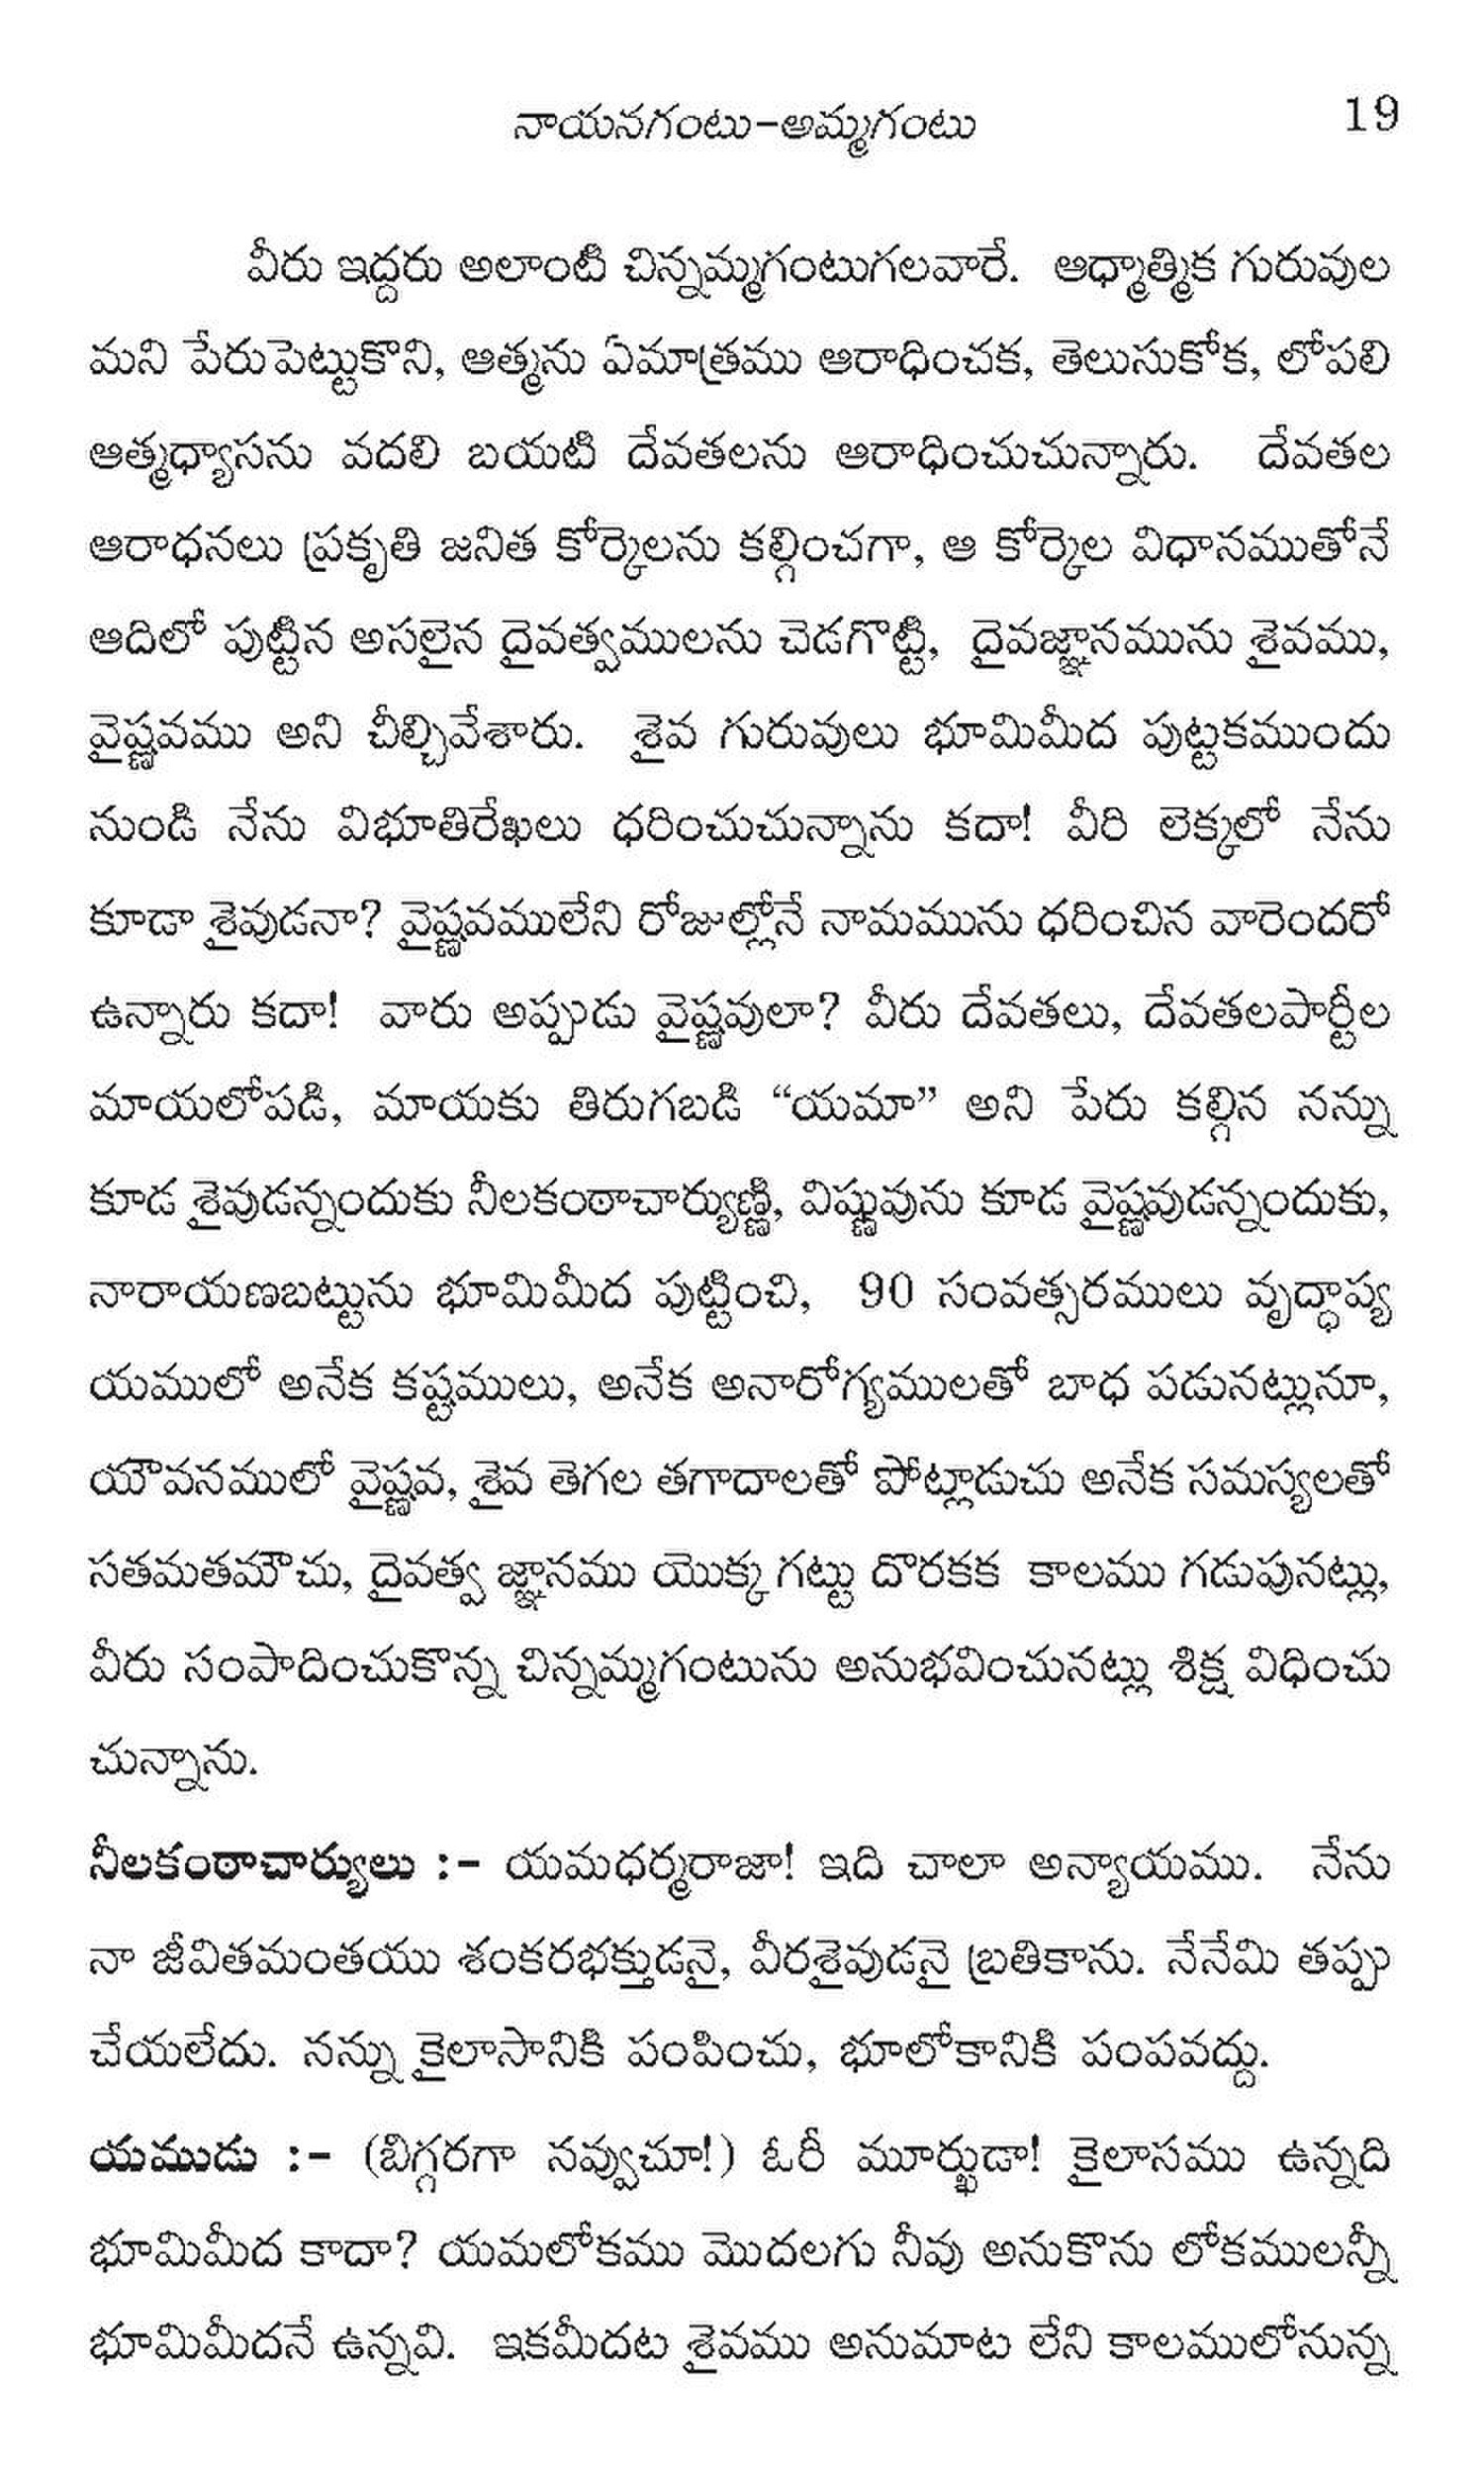వీరు ఇద్దరు అలాంటి చిన్నమ్మగంటుగలవారే. ఆధ్మాత్మిక గురువుల మని పేరుపెట్టుకొని, ఆత్మను ఏమాత్రము ఆరాధించక, తెలుసుకోక, లోపలి ఆత్మధ్యాసను వదలి బయటి దేవతలను ఆరాధించుచున్నారు. దేవతల ఆరాధనలు ప్రకృతి జనిత కోర్కెలను కల్గించగా, ఆ కోర్కెల విధానముతోనే ఆదిలో పుట్టిన అసలైన దైవత్వములను చెడగొట్టి, దైవజ్ఞానమును శైవము, వైష్ణవము అని చీల్చివేశారు. శైవ గురువులు భూమిమీద పుట్టకముందు నుండి నేను విభూతిరేఖలు ధరించుచున్నాను కదా! వీరి లెక్కలో నేను కూడా శైవుడనా? వైష్ణవములేని రోజుల్లోనే నామమును ధరించిన వారెందరో ఉన్నారు కదా! వారు అప్పుడు వైష్ణవులా? వీరు దేవతలు, దేవతలపార్టీల మాయలోపడి, మాయకు తిరుగబడి ‘‘యమా’’ అని పేరు కల్గిన నన్ను కూడ శైవుడన్నందుకు నీలకంఠాచార్యుణ్ణి, విష్ణువును కూడ వైష్ణవుడన్నందుకు, నారాయణబట్టును భూమిమీద పుట్టించి, 90 సంవత్సరములు వృద్ధాప్య యములో అనేక కష్టములు, అనేక అనారోగ్యములతో బాధ పడునట్లునూ, యౌవనములో వైష్ణవ, శైవ తెగల తగాదాలతో పోట్లాడుచు అనేక సమస్యలతో సతమతమౌచు, దైవత్వ జ్ఞానము యొక్క గట్టు దొరకక కాలము గడుపునట్లు, వీరు సంపాదించుకొన్న చిన్నమ్మగంటును అనుభవించునట్లు శిక్ష విధించు చున్నాను.

నీలకంఠాచార్యులు :- యమధర్మరాజా! ఇది చాలా అన్యాయము. నేను నా జీవితమంతయు శంకరభక్తుడనై, వీరశైవుడనై బ్రతికాను. నేనేమి తప్పు చేయలేదు. నన్ను కైలాసానికి పంపించు, భూలోకానికి పంపవద్దు.

యముడు : -(బిగ్గరగా నవ్వుచూ!) ఓరీ మూర్ఖుడా! కైలాసము ఉన్నది భూమిమీద కాదా? యమలోకము మొదలగు నీవు అనుకొను లోకములన్నీ భూమిమీదనే ఉన్నవి. ఇకమీదట శైవము అనుమాట లేని కాలములోనున్న